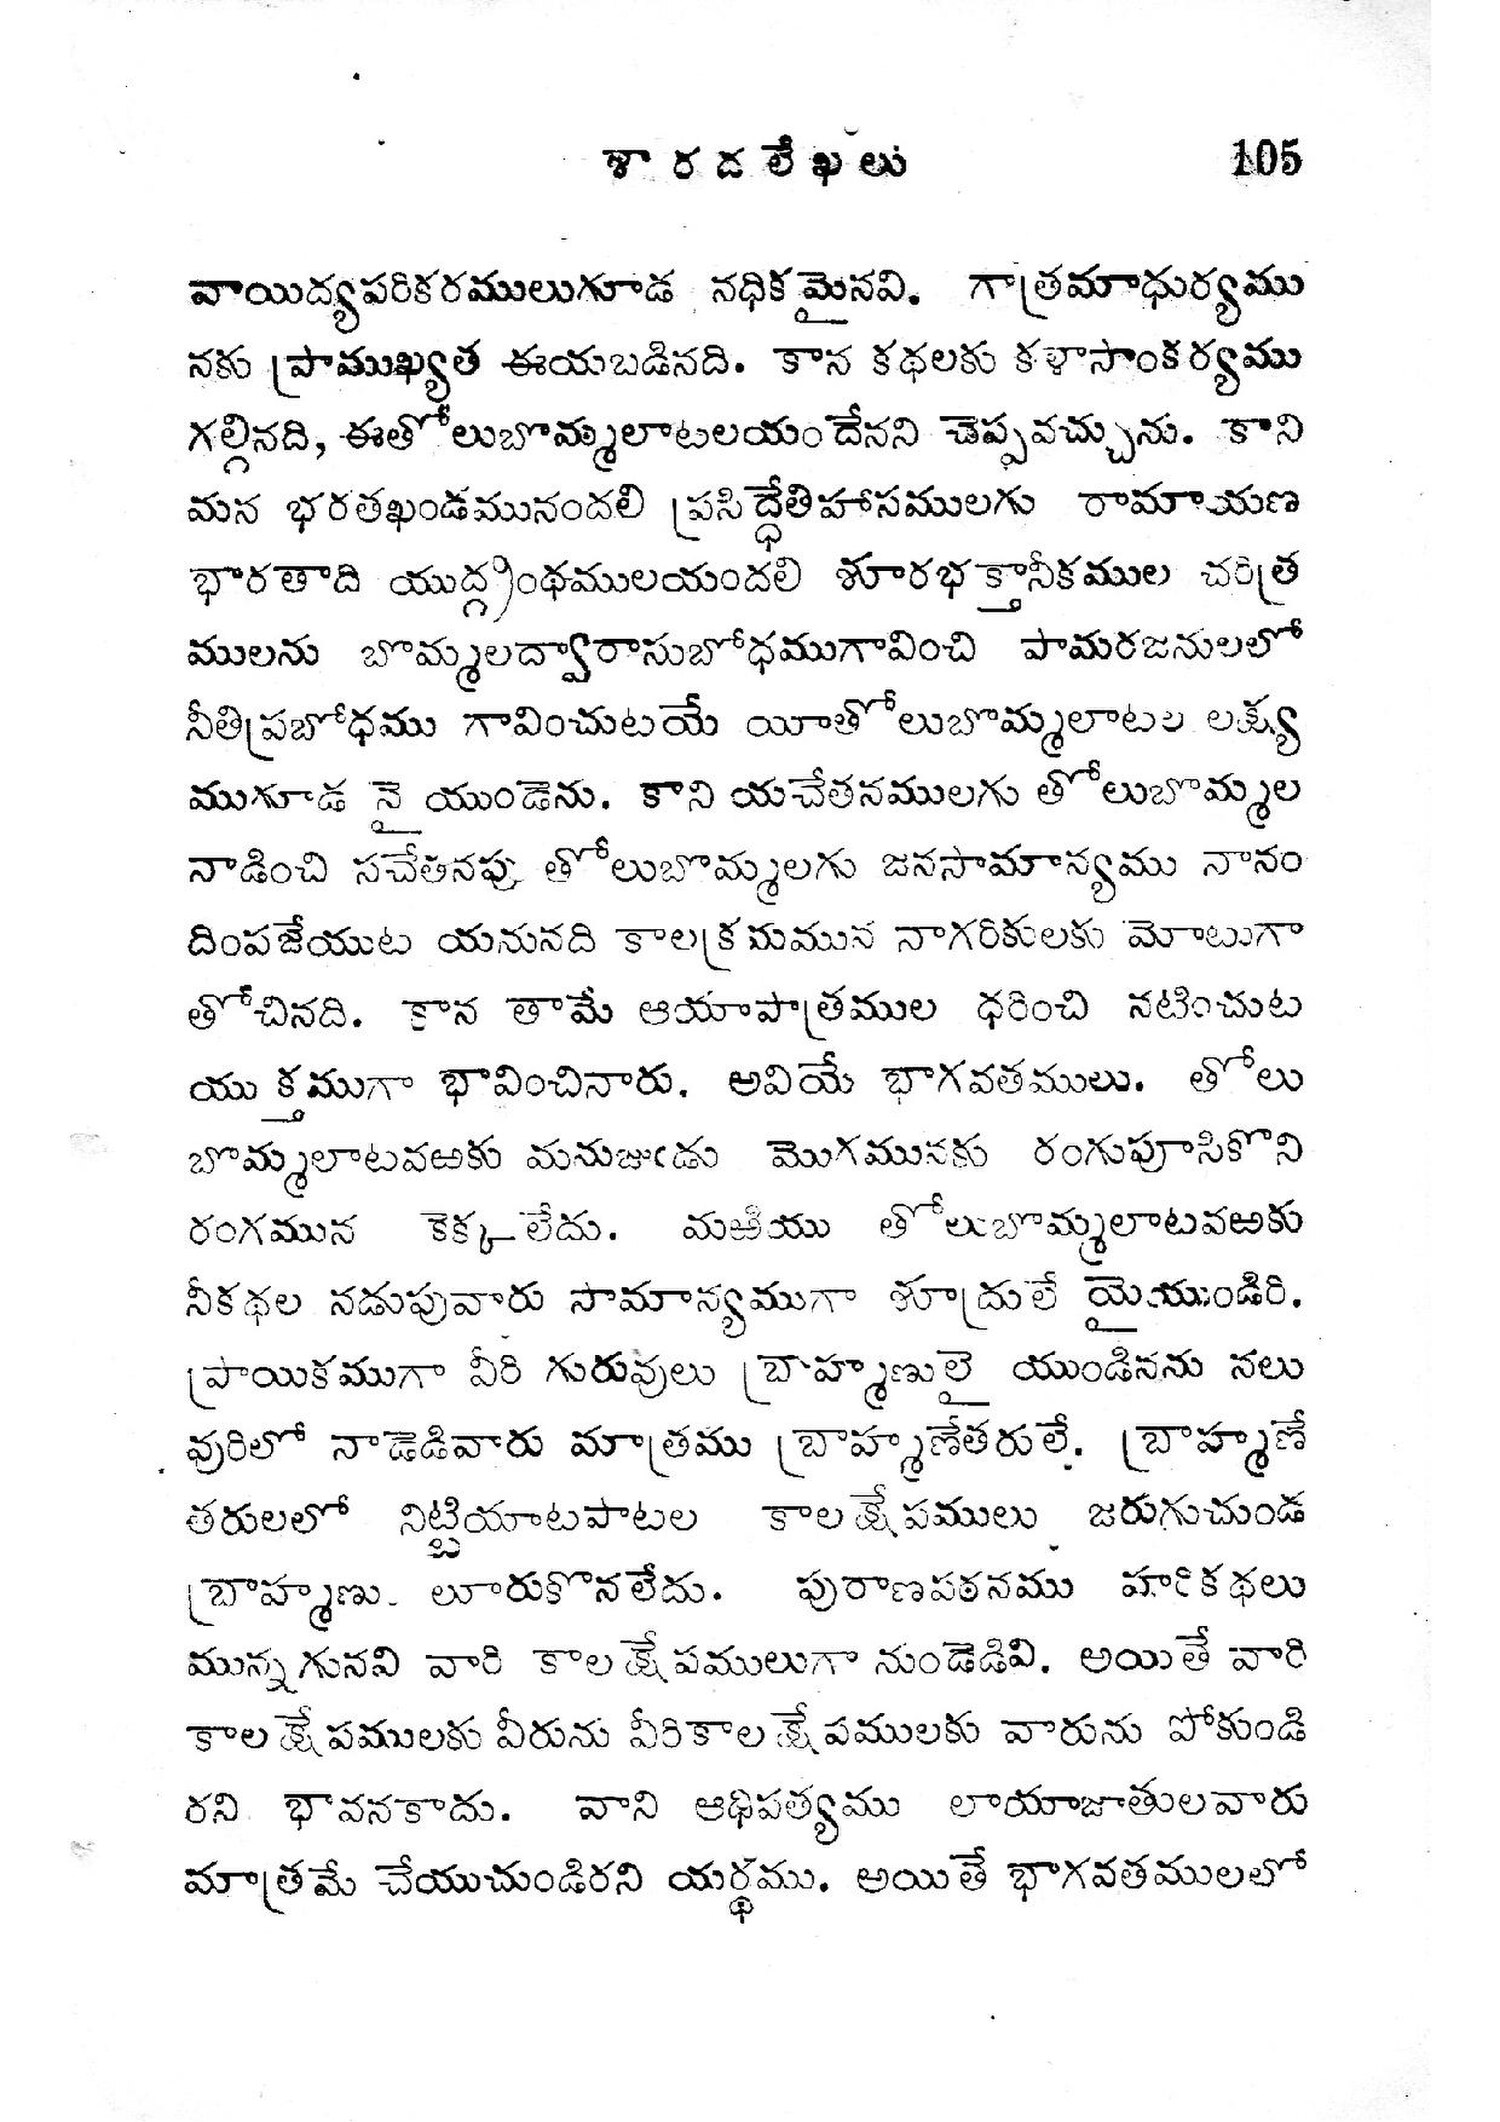వాయిద్యపరికరములుగూడ నధికమైనవి. గాత్రమాధుర్యమునకు ప్రాముఖ్యత ఈయబడినది. కాన కథలకు కళాసాంకర్యము గల్గినది, ఈతోలుబొమ్మలాటలయందేనని చెప్పవచ్చును. కాని మన భరతఖండమునందలి ప్రసిద్ధేతిహాసములగు రామాయణ భారతాది యుద్గ్రంథములయందలి శూరభక్తానీకముల చరిత్రములను బొమ్మలద్వారాసుబోధముగావించి పామరజనులలో నీతిప్రబోధము గావించుటయే యీతోలుబొమ్మలాటల లక్ష్యముగూడ నై యుండెను. కాని యచేతనములగు తోలుబొమ్మల నాడించి సచేతనపు తోలుబొమ్మలగు జనసామాన్యము నానందింపజేయుట యనునది కాలక్రమమున నాగరికులకు మోటుగా తోచినది. కాన తామే ఆయాపాత్రములు ధరించి నటించుట యుక్తముగా భావించినారు. అవియే భాగవతములు. తోలుబొమ్మలాటవఱకు మనుజుఁడు మొగమునకు రంగుపూసికొని రంగమున కెక్కలేదు. మఱియు తోలుబొమ్మలాటవఱకు నీకథల నడుపువారు సామాన్యముగా శూద్రులే యైయుండిరి. ప్రాయికముగా వీరి గురువులు బ్రాహ్మణులై యుండినను నలువురిలో నాడెడివారు మాత్రము బ్రాహ్మణేతరులే. బ్రాహ్మణేతరులలో నిట్టియాటపాటల కాలక్షేపములు జరుగుచుండ బ్రాహ్మణు లూరుకొనలేదు. పురాణపఠనము హరికథలు
మున్నగునవి వారి కాలక్షేపములుగా నుండెడివి. అయితే వారి కాలక్షేపములకు వీరును వీరికాలక్షేపములకు వారును పోకుండిరని భావనకాదు. వాని ఆధిపత్యము లాయాజాతులవారు మాత్రమే చేయుచుండిరని యర్థము. అయితే భాగవతములలో